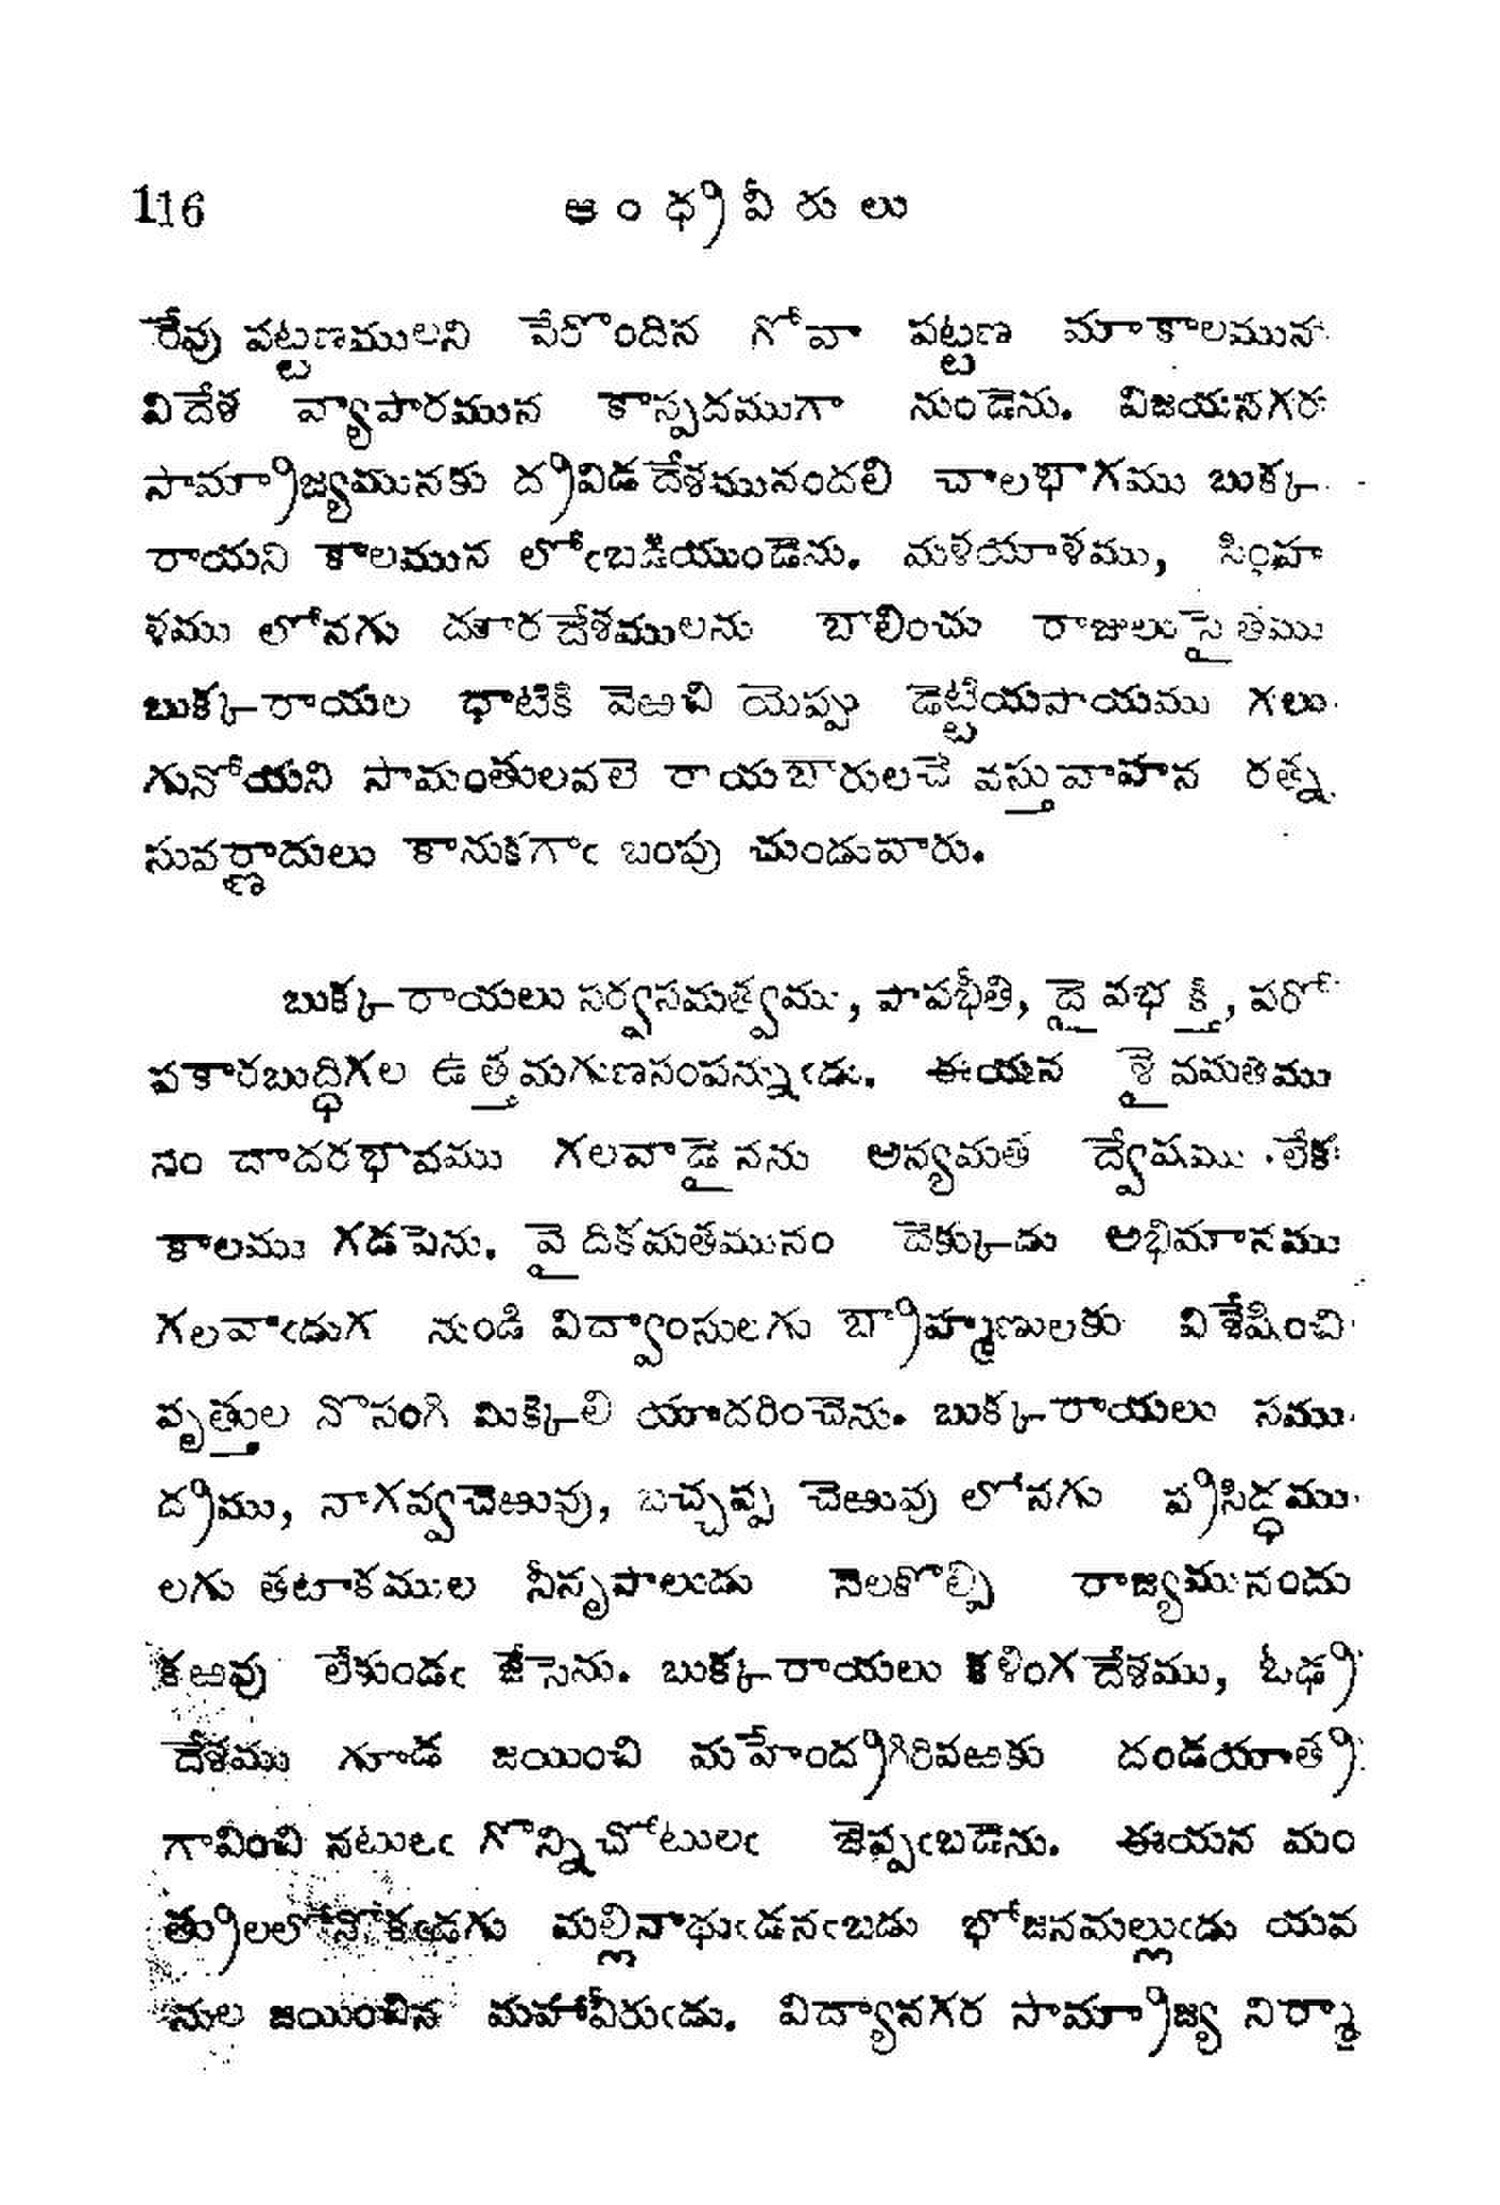రేవు పట్టణములని పేరొందిన గోవా పట్టణ మాకాలమున విదేశ వ్యాపారమున కాస్పదముగా నుండెను. విజయనగర సామ్రాజ్యమునకు ద్రవిడదేశమునందలి చాలభాగము బుక్కరాయని కాలమున లోబడియుండెను. మళయాళము, సింహళము లోనగు దూరదేశములను బాలించు రాజులుసైతము బుక్కరాయల ధాటికి వెఱచి యెప్పు డెట్టియపాయము గలుగునోయని సామంతులవలె రాయబారులచే వస్తువాహన రత్న సువర్ణాదులు కానుకగా బంపు చుండువారు.

బుక్కరాయలు సర్వసమత్వము, పాపభీతి, దైవభక్తి, పరోపకారబుద్ధిగల ఉత్తమగుణసంపన్నుడు. ఈయన శైవమతమునం దాదరభావము గలవాడైనను అన్యమత ద్వేషము లేక కాలము గడపెను. వైదికమతమునం దెక్కుడు అభిమానము గలవాడుగ నుండి విద్వాంసులగు బ్రాహ్మణులకు విశేషించి వృత్తుల నొసంగి మిక్కిలి యాదరించెను. బుక్కరాయలు సముద్రము, నాగవ్వచెఱువు, బచ్చప్ప చెఱువు లోనగు ప్రసిద్ధములగు తటాకముల నీనృపాలుడు నెలకొల్పి రాజ్యమునందు కఱవు లేకుండ జేసెను. బుక్కరాయలు కళింగదేశము, ఓడ్రదేశము గూడ జయించి మహేంద్రగిరివఱకు దండయాత్ర గావించి నటుల గొన్నిచోటుల జెప్పబడెను. ఈయన మంత్రులలోనొకడగు మల్లినాథు డనబడు భోజనమల్లుడు యవనుల జయించిన మహావీరుడు. విద్యానగర సామ్రాజ్య నిర్మా